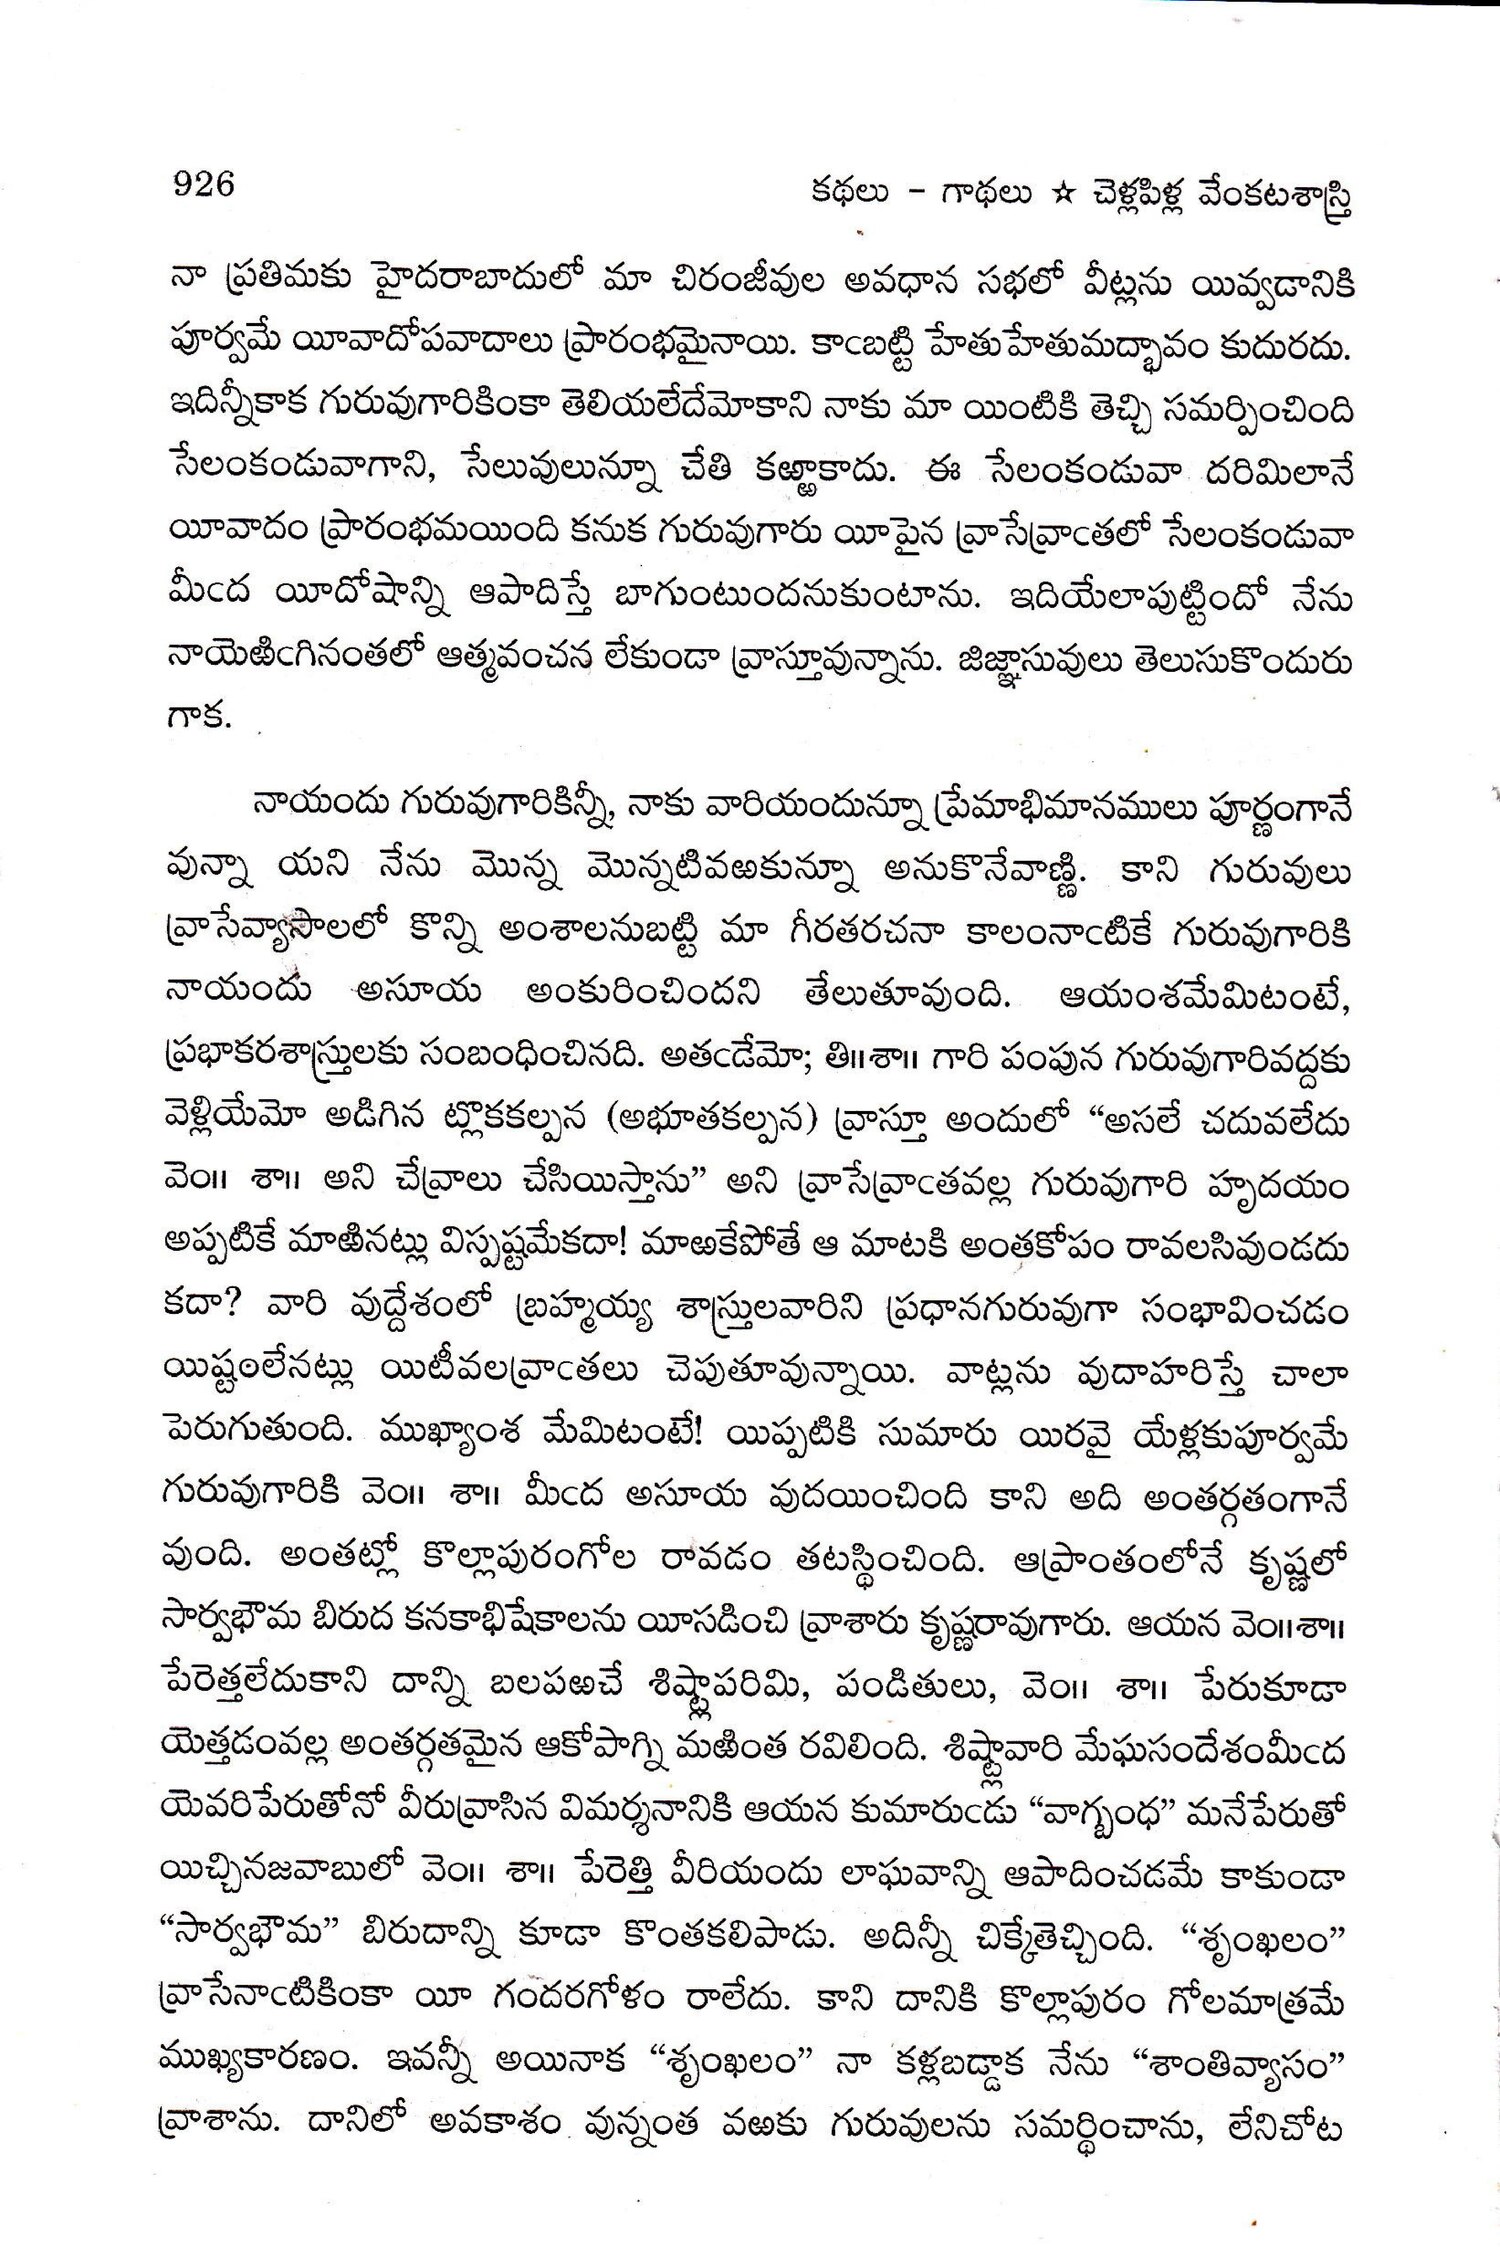నా ప్రతిమకు హైదరాబాదులో మా చిరంజీవుల అవధాన సభలో వీట్లను యివ్వడానికి పూర్వమే యీవాదోపవాదాలు ప్రారంభమైనాయి. కాఁబట్టి హేతుహేతుమద్భావం కుదురదు. ఇదిన్నీకాక గురువుగారికింకా తెలియలేదేమోకాని నాకు మా యింటికి తెచ్చి సమర్పించింది సేలంకండువాగాని, సేలువులున్నూ చేతి కఱ్ఱాకాదు. ఈ సేలంకండువా దరిమిలానే యీవాదం ప్రారంభమయింది కనుక గురువుగారు యీ పైన వ్రాసేవ్రాఁతలో సేలంకండువా మీఁద యీదోషాన్ని ఆపాదిస్తే బాగుంటుందనుకుంటాను. ఇదియేలాపుట్టిందో నేను నాయెఱిఁగినంతలో ఆత్మవంచన లేకుండా వ్రాస్తూవున్నాను. జిజ్ఞాసువులు తెలుసుకొందురు గాక.

నాయందు గురువుగారికిన్నీ నాకు వారియందున్నూ ప్రేమాభిమానములు పూర్ణంగానే వున్నా యని నేను మొన్న మొన్నటివఱకున్నూ అనుకొనేవాణ్ణి. కాని గురువులు వ్రాసేవ్యాసాలలో కొన్ని అంశాలనుబట్టి మా గీరతరచనా కాలంనాఁటికే గురువుగారికి నాయందు అసూయ అంకురించిందని తేలుతూవుంది. ఆయంశమేమిటంటే, ప్రభాకరశాస్త్రులకు సంబంధించినది. అతఁడేమో; తి||శా|| గారి పంపున గురువుగారివద్దకు వెళ్లియేమో అడిగిన ట్లొకకల్పన (అభూతకల్పన) వ్రాస్తూ అందులో “అసలే చదువలేదు వెంll శాII అని చేవ్రాలు చేసియిస్తాను” అని వ్రాసేవ్రాఁతవల్ల గురువుగారి హృదయం అప్పటికే మాఱినట్లు విస్పష్టమేకదా! మాఱకేపోతే ఆ మాటకి అంతకోపం రావలసివుండదు కదా? వారి వుద్దేశంలో బ్రహ్మయ్య శాస్త్రులవారిని ప్రధానగురువుగా సంభావించడం యిష్టంలేనట్లు యిటీవలవ్రాఁతలు చెపుతూవున్నాయి. వాట్లను వుదాహరిస్తే చాలా పెరుగుతుంది. ముఖ్యాంశ మేమిటంటే! యిప్పటికి సుమారు యిరవై యేళ్లకుపూర్వమే గురువుగారికి వెంll శాII మీఁద అసూయ వుదయించింది కాని అది అంతర్గతంగానే వుంది. అంతట్లో కొల్లాపురంగోల రావడం తటస్థించింది. ఆప్రాంతంలోనే కృష్ణలో సార్వభౌమ బిరుద కనకాభిషేకాలను యీసడించి వ్రాశారు కృష్ణరావుగారు. ఆయన వెం||శా|| పేరెత్తలేదుకాని దాన్ని బలపఱచే శిష్ట్లాపరిమి, పండితులు, వెంll శాII పేరుకూడా యెత్తడంవల్ల అంతర్గతమైన ఆకోపాగ్ని మఱింత రవిలింది. శిష్ట్లావారి మేఘసందేశంమీంద యెవరిపేరుతోనో వీరువ్రాసిన విమర్శనానికి ఆయన కుమారుఁడు "వాగ్బంధ" మనేపేరుతో యిచ్చినజవాబులో వెంll శా|| పేరెత్తి వీరియందు లాఘవాన్ని ఆపాదించడమే కాకుండా “సార్వభౌమ" బిరుదాన్ని కూడా కొంతకలిపాడు. అదిన్నీ చిక్కేతెచ్చింది. "శృంఖలం" వ్రాసేనాఁటికింకా యీ గందరగోళం రాలేదు. కాని దానికి కొల్లాపురం గోలమాత్రమే ముఖ్యకారణం. ఇవన్నీ అయినాక “శృంఖలం" నా కళ్లబడ్డాక నేను "శాంతివ్యాసం" వ్రాశాను. దానిలో అవకాశం వున్నంత వఱకు గురువులను సమర్థించాను, లేనిచోట